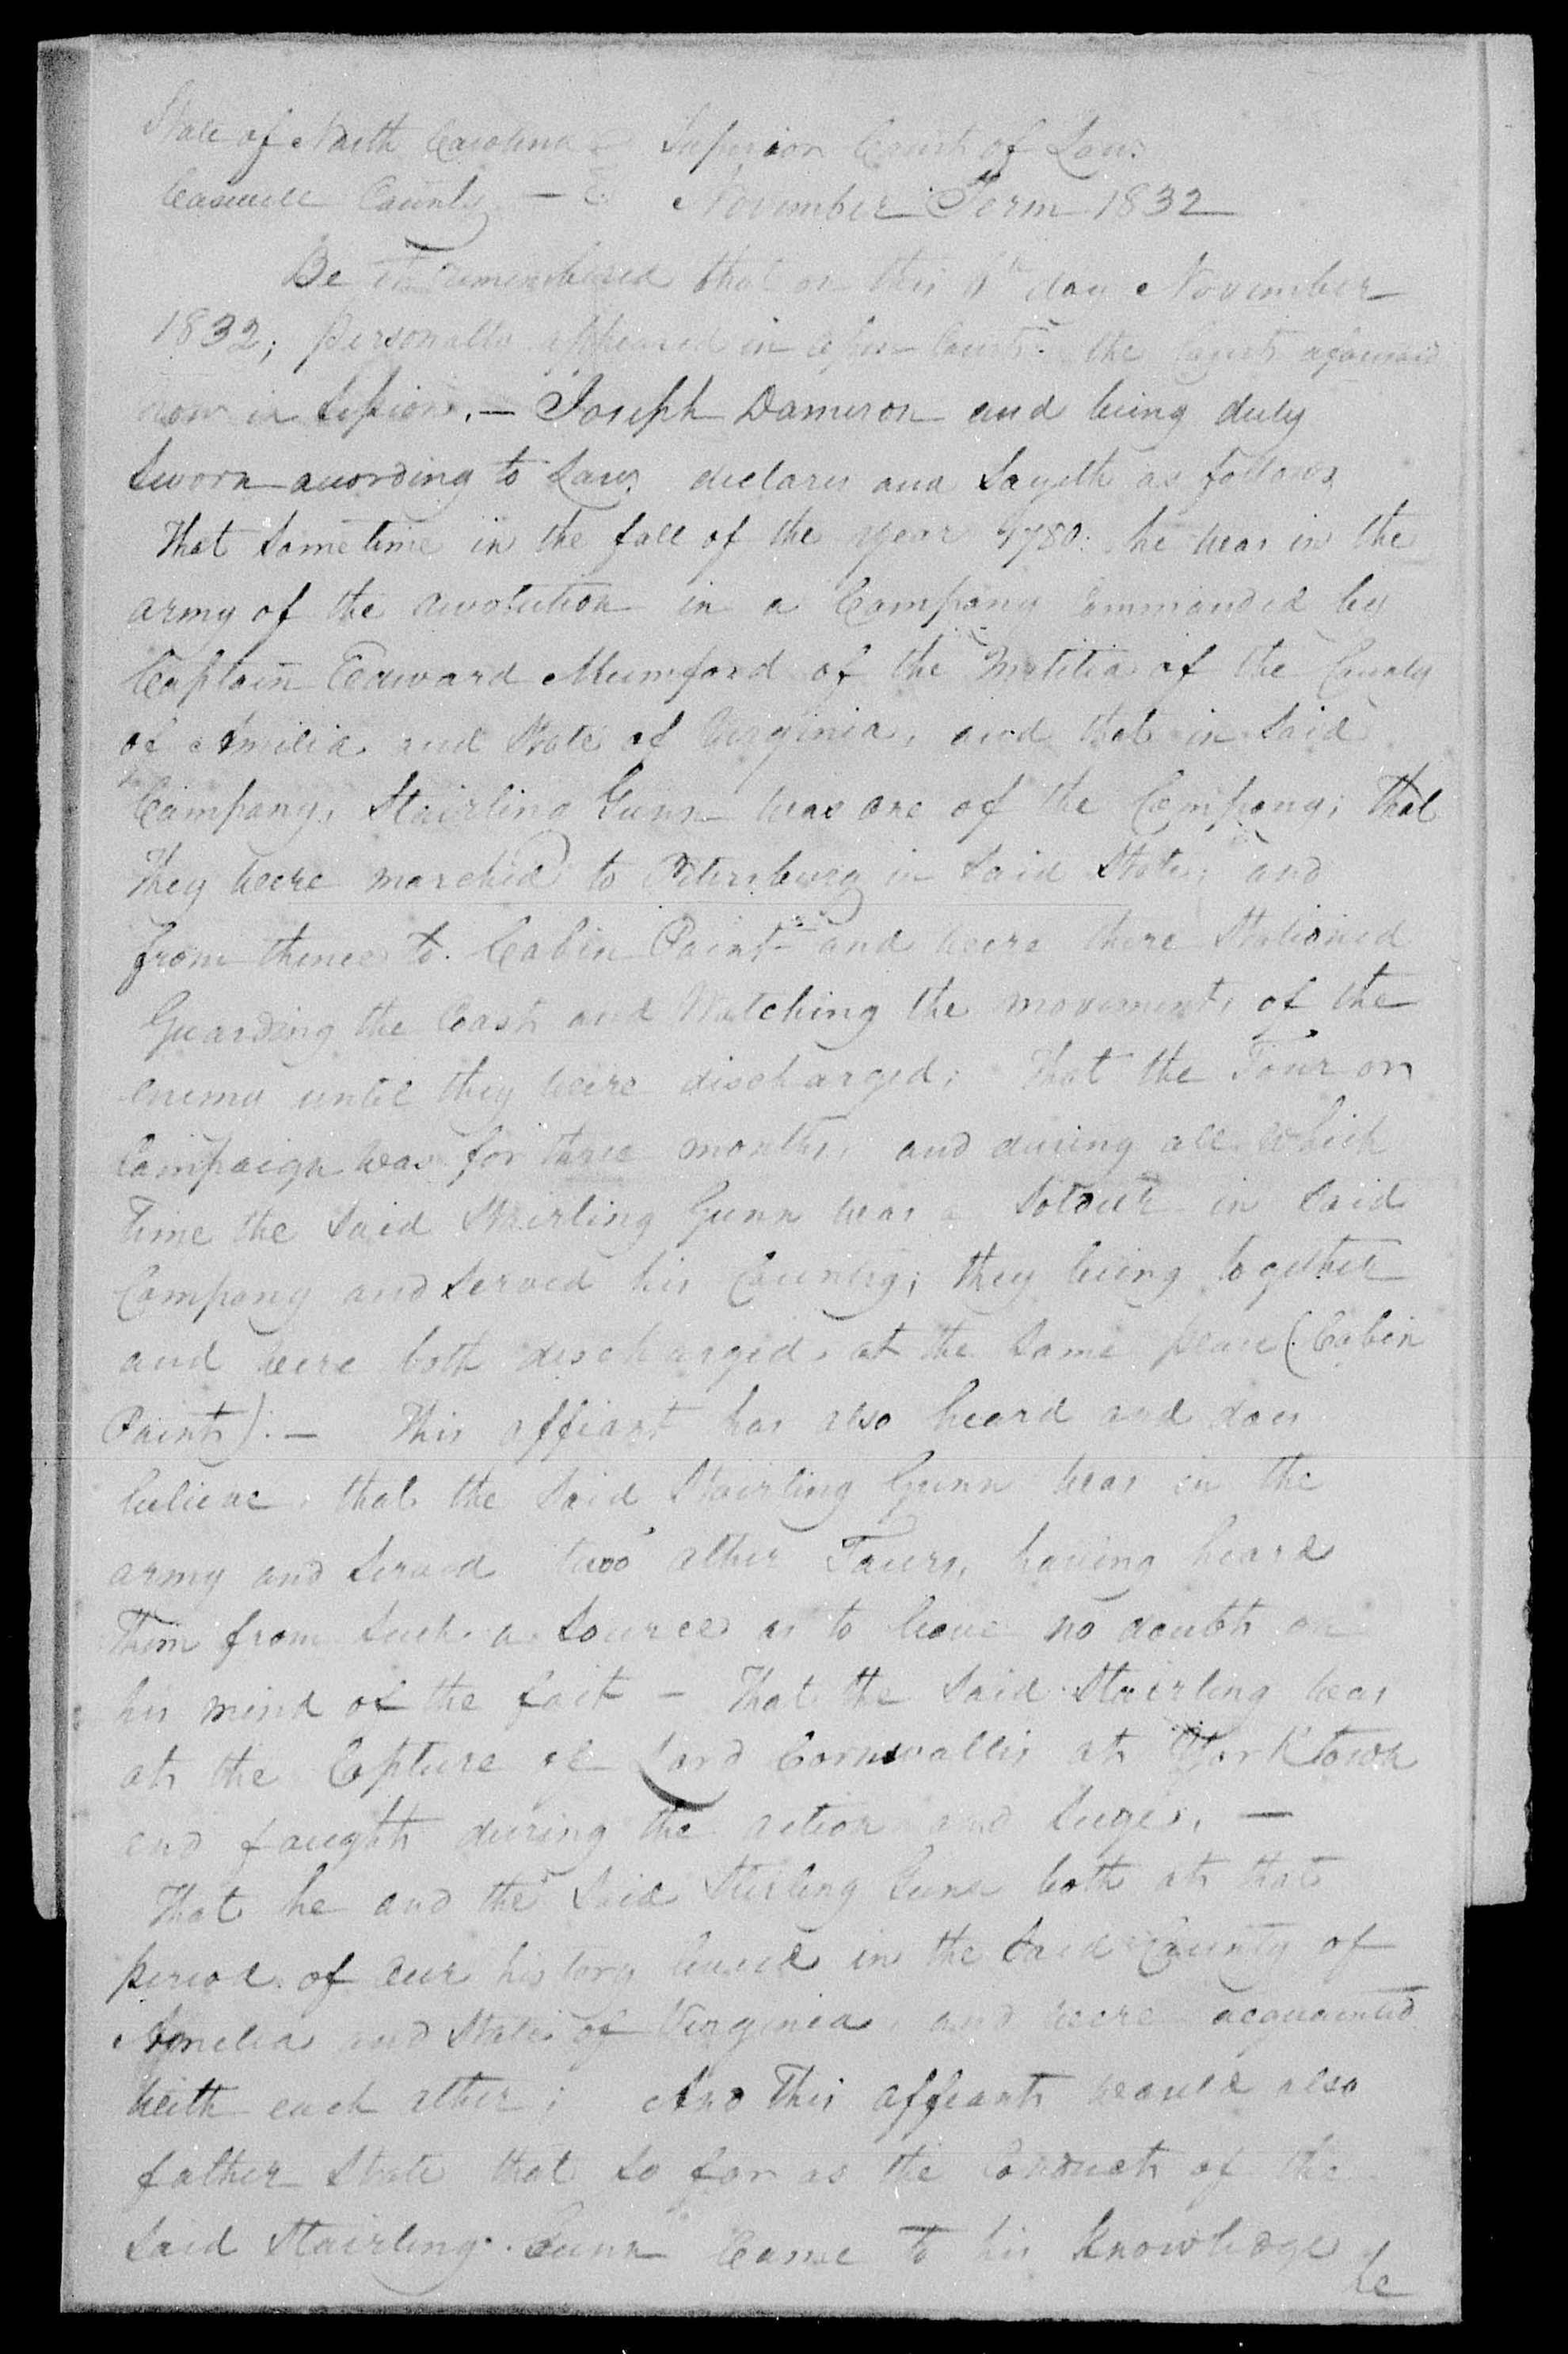State of North Carolina Caswell County }
Superior Court of Law  November Term 1832
Be it remembered that on this 6th day November 1832; personally appeared in open Court  the Court aforesaid now in session,—Joseph Dameron and being duly sworn according to Law declares and Sayeth as follows.
That Sometime in the fall of the year 1780: he was in the army of the revolutionary war in a Company Commanded by Captain Edward Mumford of the Malitia of the County of Amelia and State of Virginia, and that in said Company, Stairling Gunn was one of the Company; that they were marched to Petersburg in said State; and from thence to Cabin Point and were there stationed Guarding the cash and Watching the movements of the enemy until they were discharged;  That the Tour on Campaign was for three months, and during all which time the said Stairling Gunn was a Soldier in said Company and served his Country; they being together and were both discharged at the same place (Cabin Point):—  This affiant has also heard and does believe that the said Stairling Gunn was in the army and served two other Tours, having heard them from such a source as to have no doubt in his mind of the fact— That the said Stairling Gunn was at the Capture of Lord Cornwallis at Yorktown and fought during the action and siege,—  That he and the said Stirling Gunn both at that period of our history lived in the said County of Amelia and state of Virginia, and were acquainted with each other;  And this affiant would also father state that so far as the Correct of the said Stairling Gunn came to his knowledge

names: Cornwallis, Joseph Dameron, Stairling Gunn, Sterling Gunn, Edward Mumford, Stairling Gunn, Stairling, Stairling Gunn, Stairling Gunn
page: 56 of 58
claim: survivor's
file: S. 6,941, Starling Gunn, Continental Va.